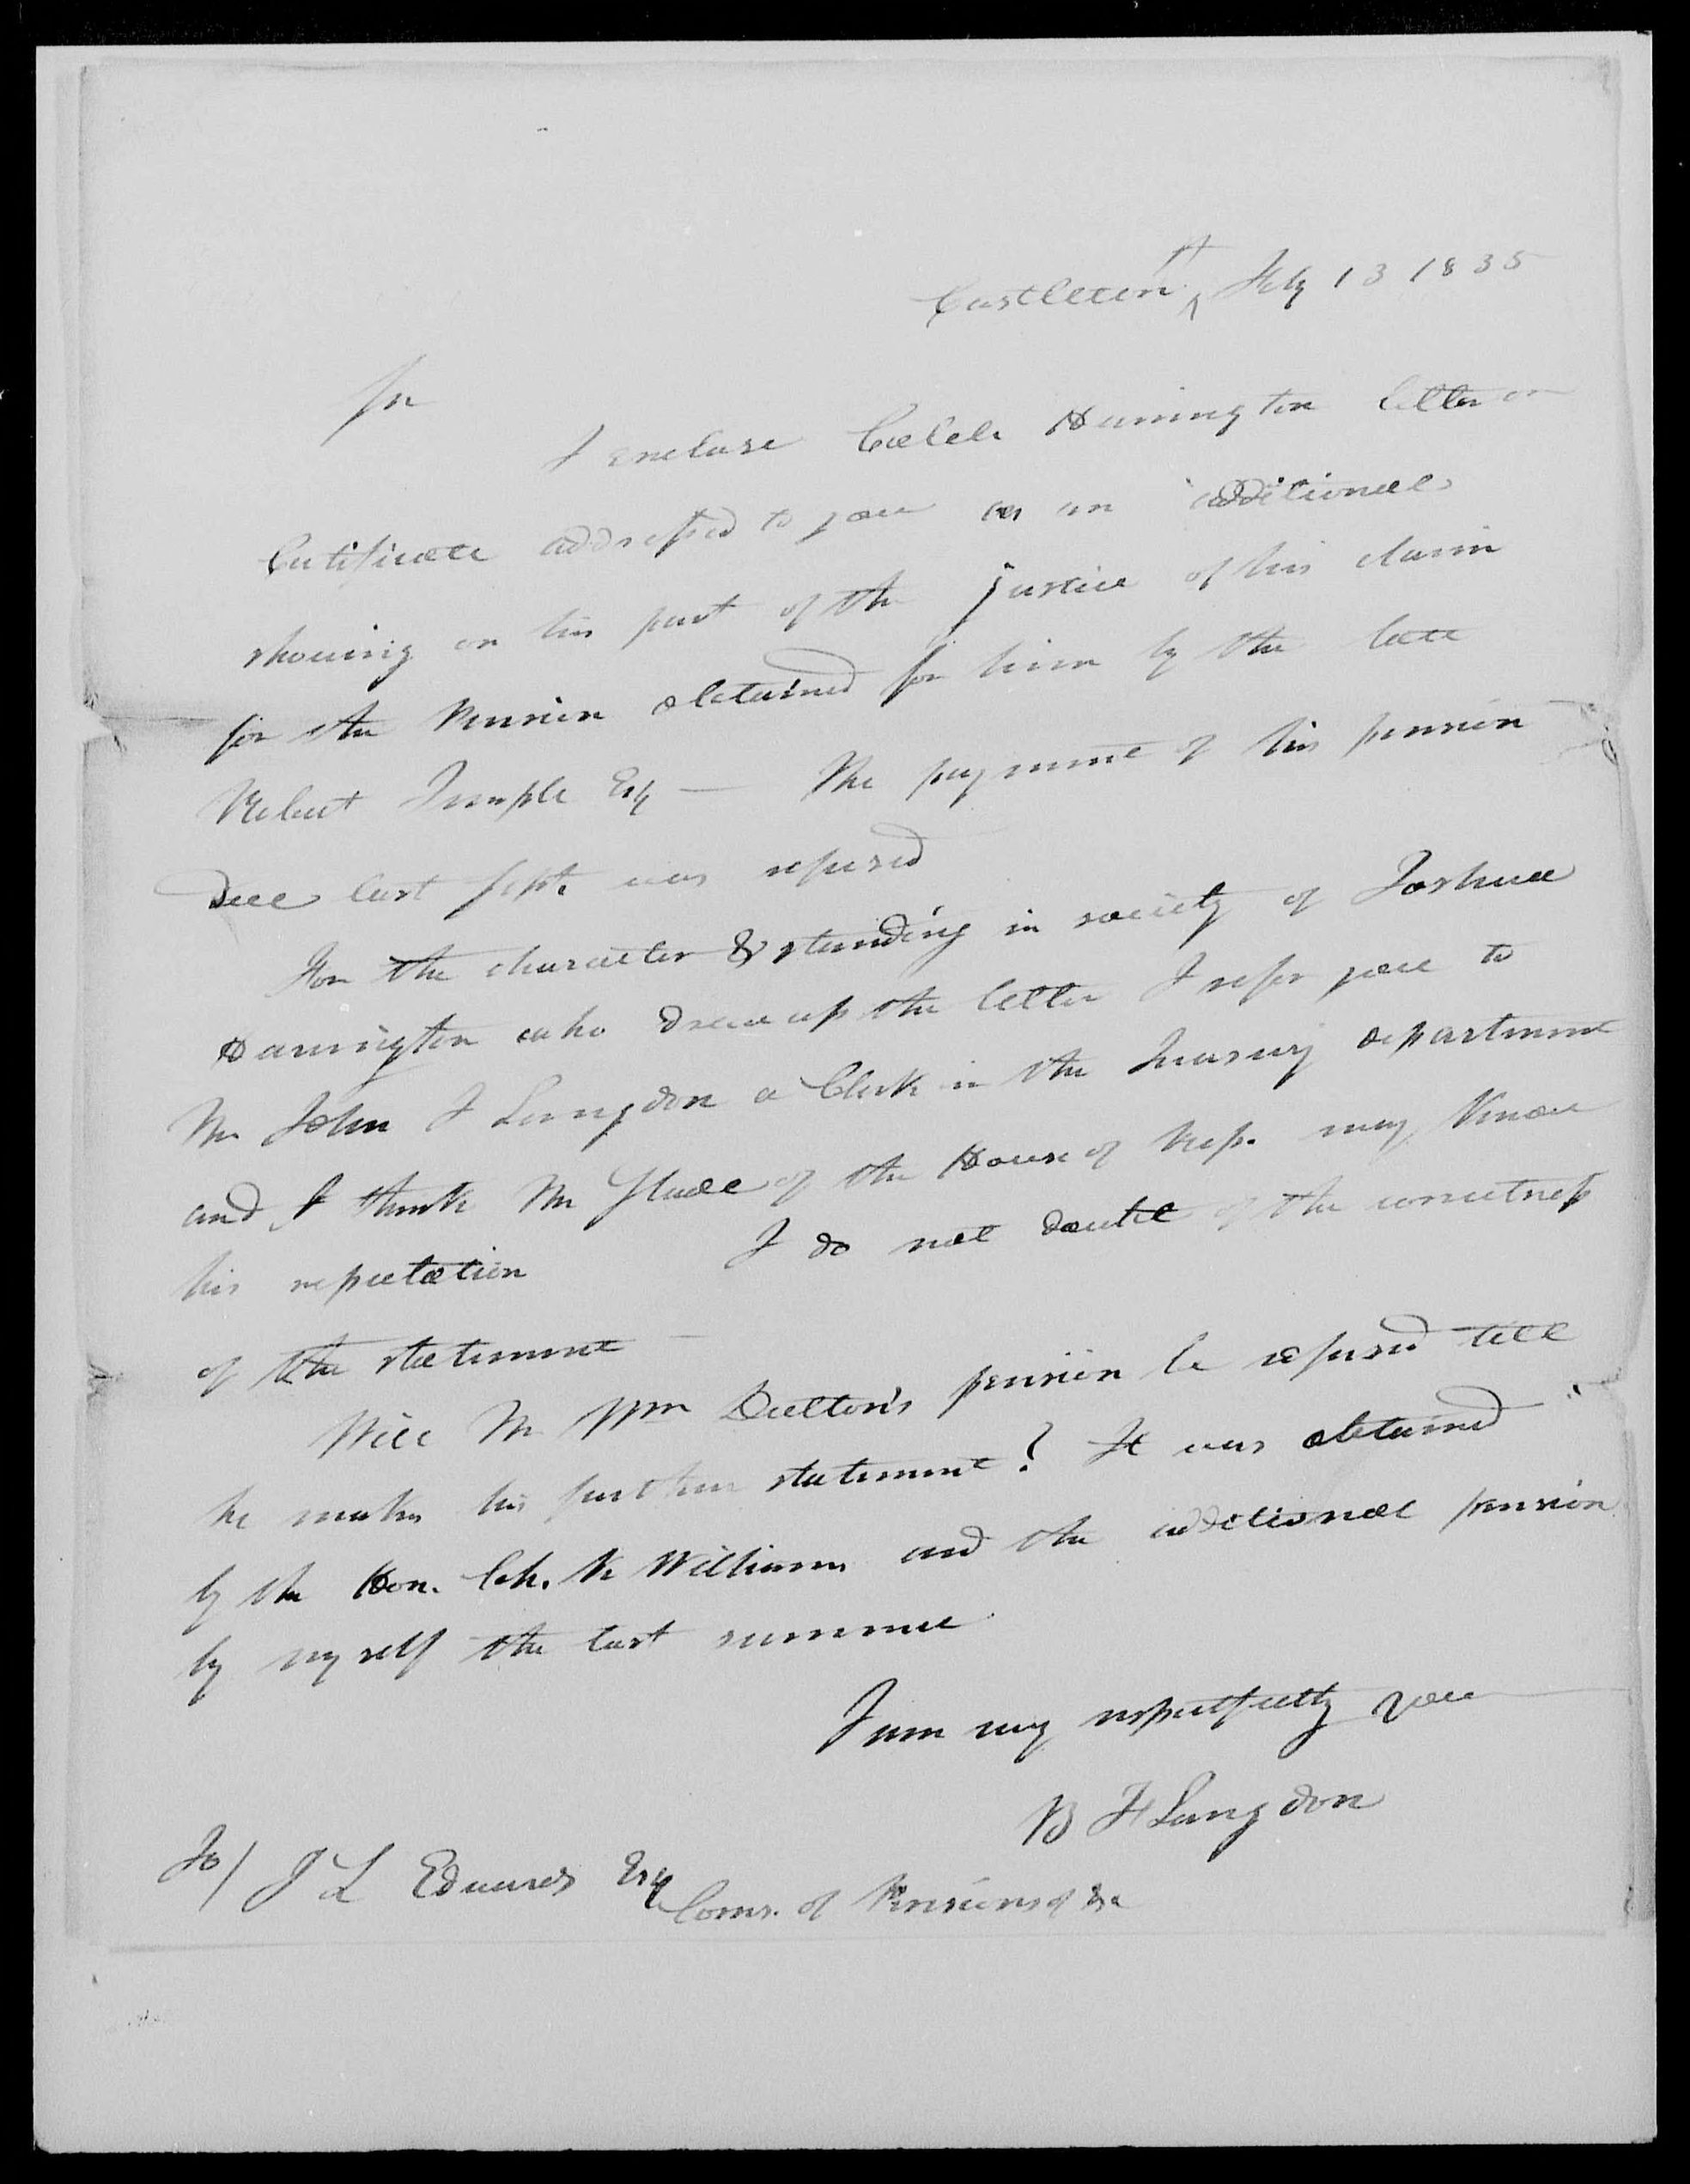Castleton Feby 13 1835
Sir I enclose Celeb Harrington letter or
Certificate addressed to you on additional
showing on his part of the justice of his claim
for the Pension obtained for him by the late
Robt Timple Esq the payment of his pension
due last Sept. was refused
for the character & standing in society of Joshua Harrington who drew up the letter I refer you to Mr John J Langdon a Clerk in the Treasury department and I think Mr Hude of the House of Rep. may know
his reputation I do not doubt of the witness
of the statement
Will W Sutton's pension be refused till
he makes his further statement? It was obtained by the Hon. Ch. K Williams
and the additional pension by myself the last summer
I am very respectfully [illegible]
B F Langdon
To J L Edwards Esq Comr of Pensions of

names: M Wm Dutton, Joshua Harrington, Caleb Harrington, J L Edwards, B F Langdon, John J Langdon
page: 15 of 17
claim: survivor's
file: S. 21,645, Caleb Blanchard, R. I.